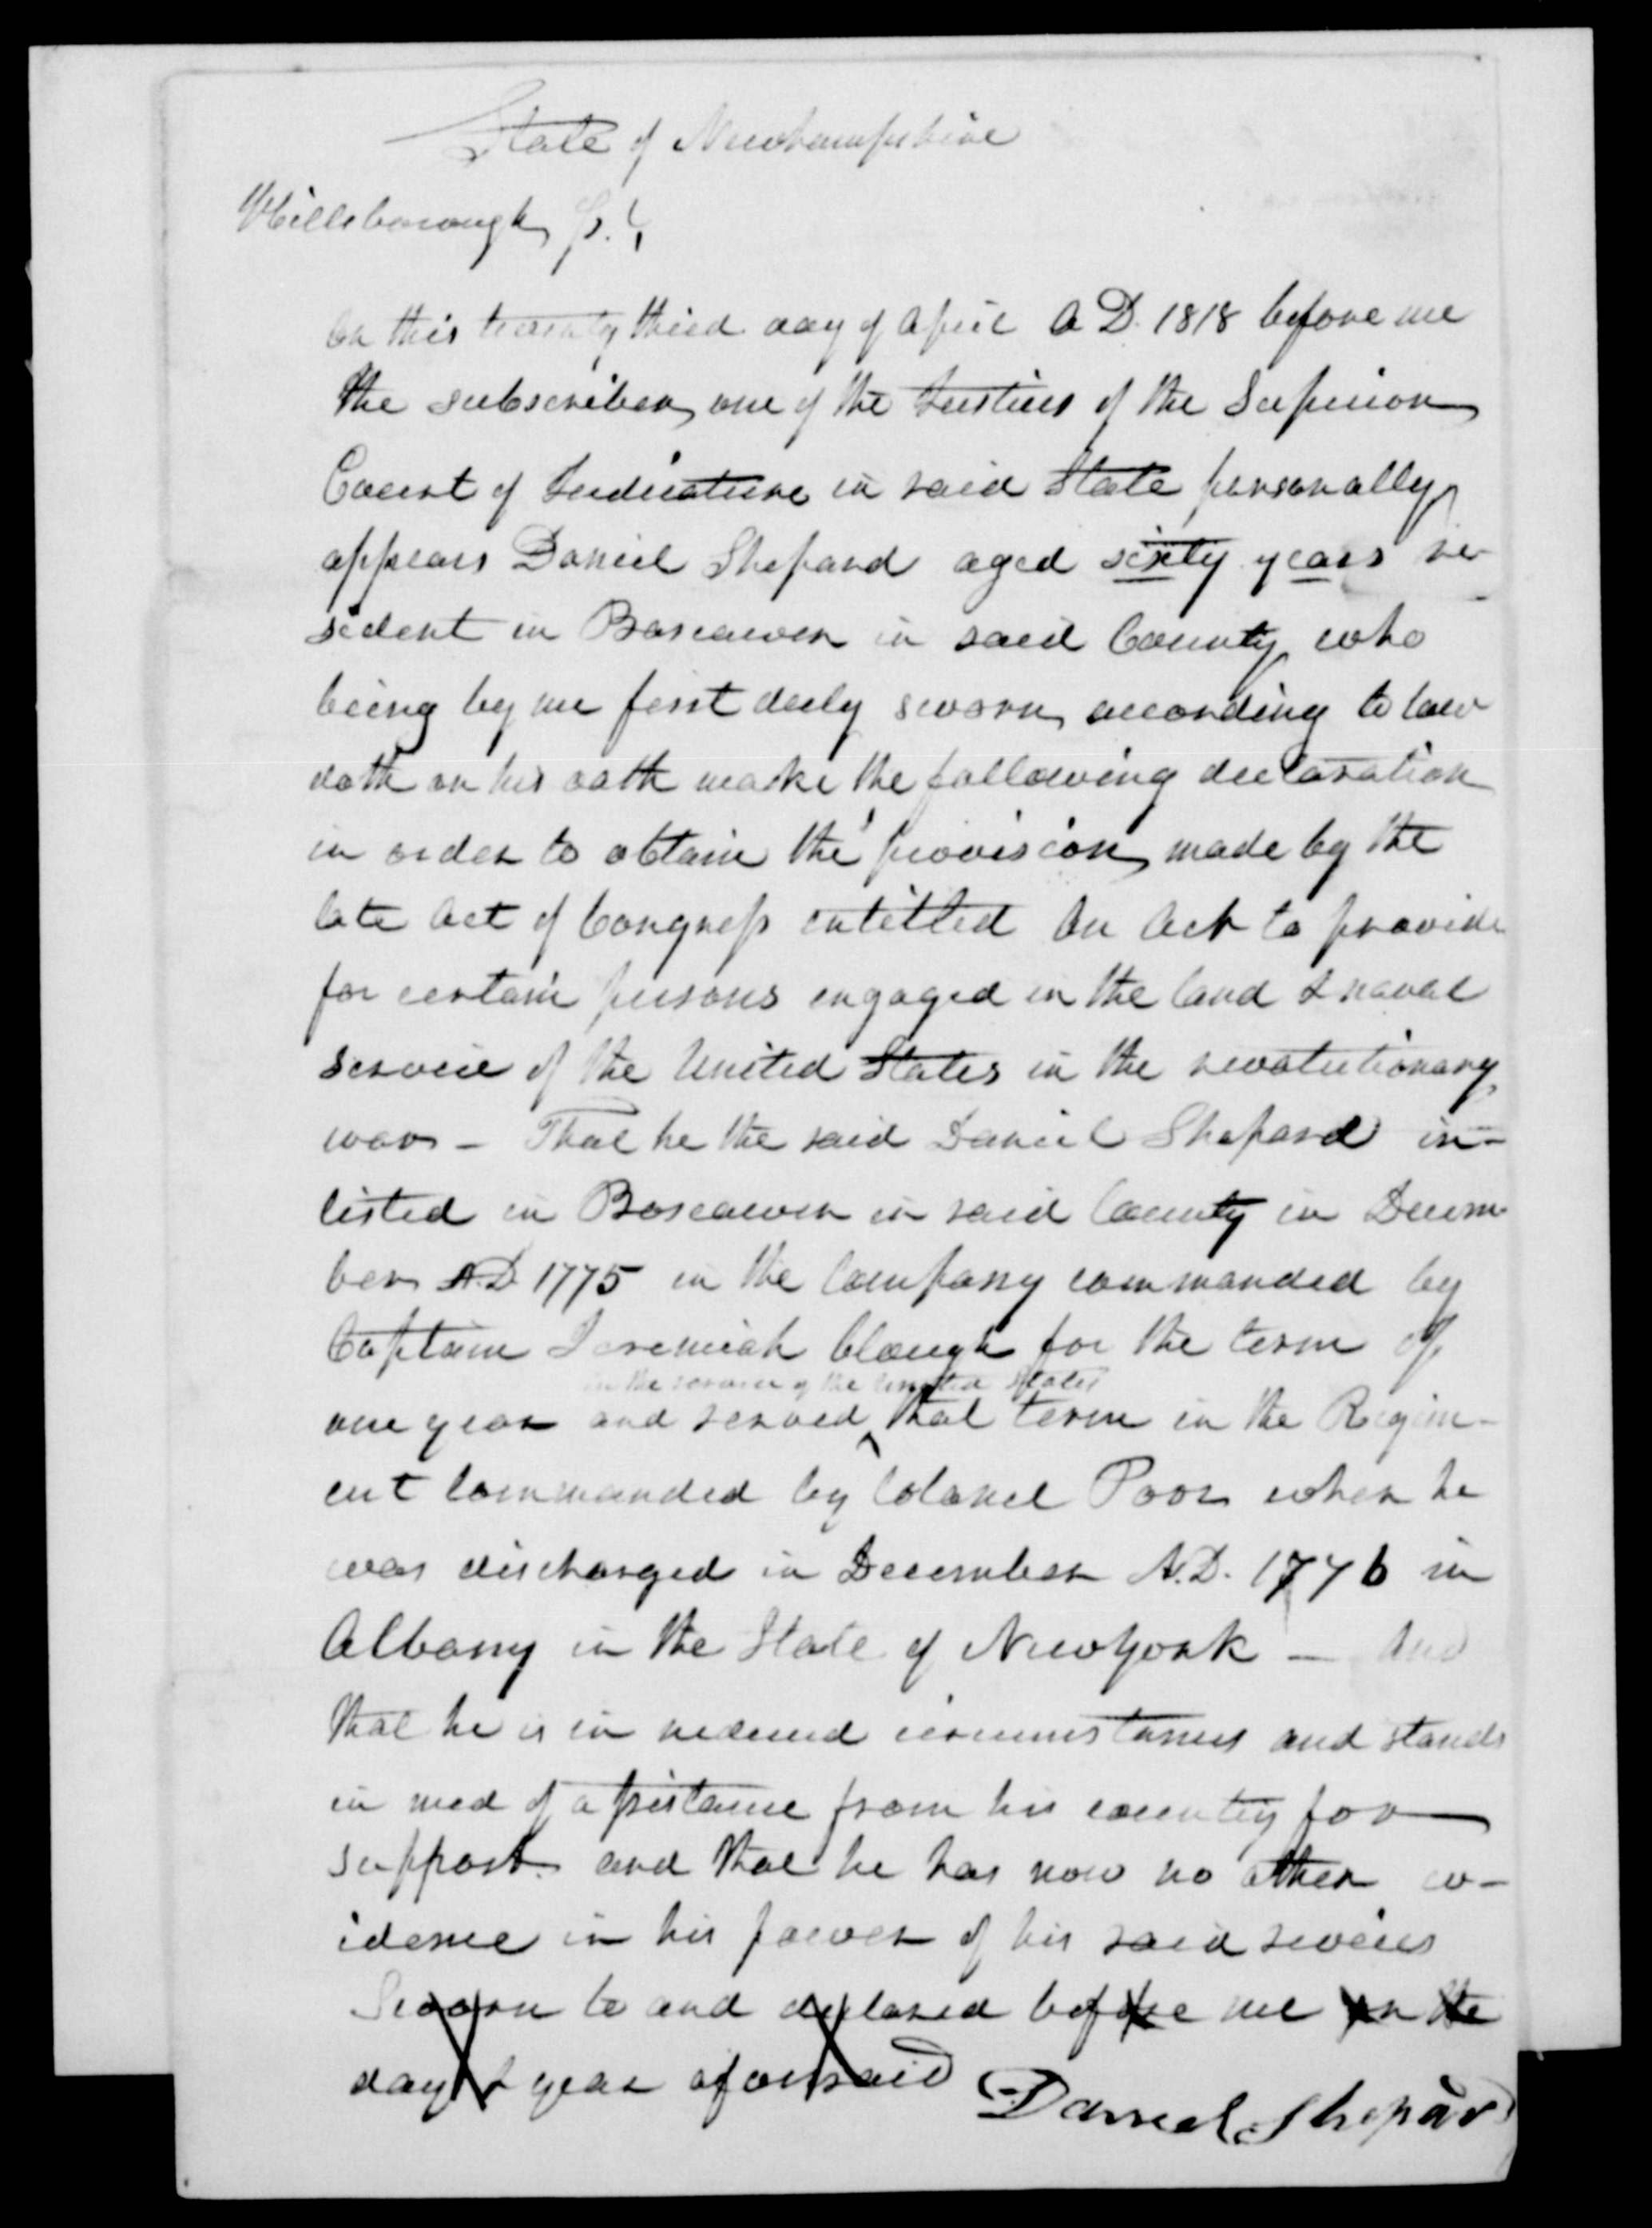State of Newhampshire
Hillsborough
On this twenty third day of April AD 1818 before me
the subscribed one of the Justices of the Superior
Court of Judicature in said State personally
appears Daniel Shepard aged sixty years resident in Boscawen in said County who
being by me first duly sworn according to law
doth on his oath make the following declaration
in order to obtain the provision made by the
late act of Congress entitled an act to provide
for certain persons engaged in the land & naval
service of the United States in the revolutionary war
. That he the said Daniel Shepard in
listed in Boston in said County in December A.D. 1775 in the company commanded by
Captain Jeremiah Clough for the term of
one year and served on the services of the United States
one year and served that term in the Regiment
commanded by Colonel Poor when he
was discharged in December A.D. 1776 in
Albany in the State of New York that
he is in reduced circumstances and stands
in me of a distance from his country for
support and that he has now no other evidence
in his power of his said seven
in to and declared before me in the
day year aforesaid Daniel Shepard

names: [BLANK] Poor; Jeremiah Clough; Daniel Shepard; Daniel Shepard; Daniel Shepard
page: 5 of 25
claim: survivor's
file: S. 43137, for Daniel Shepard, New Hampshire